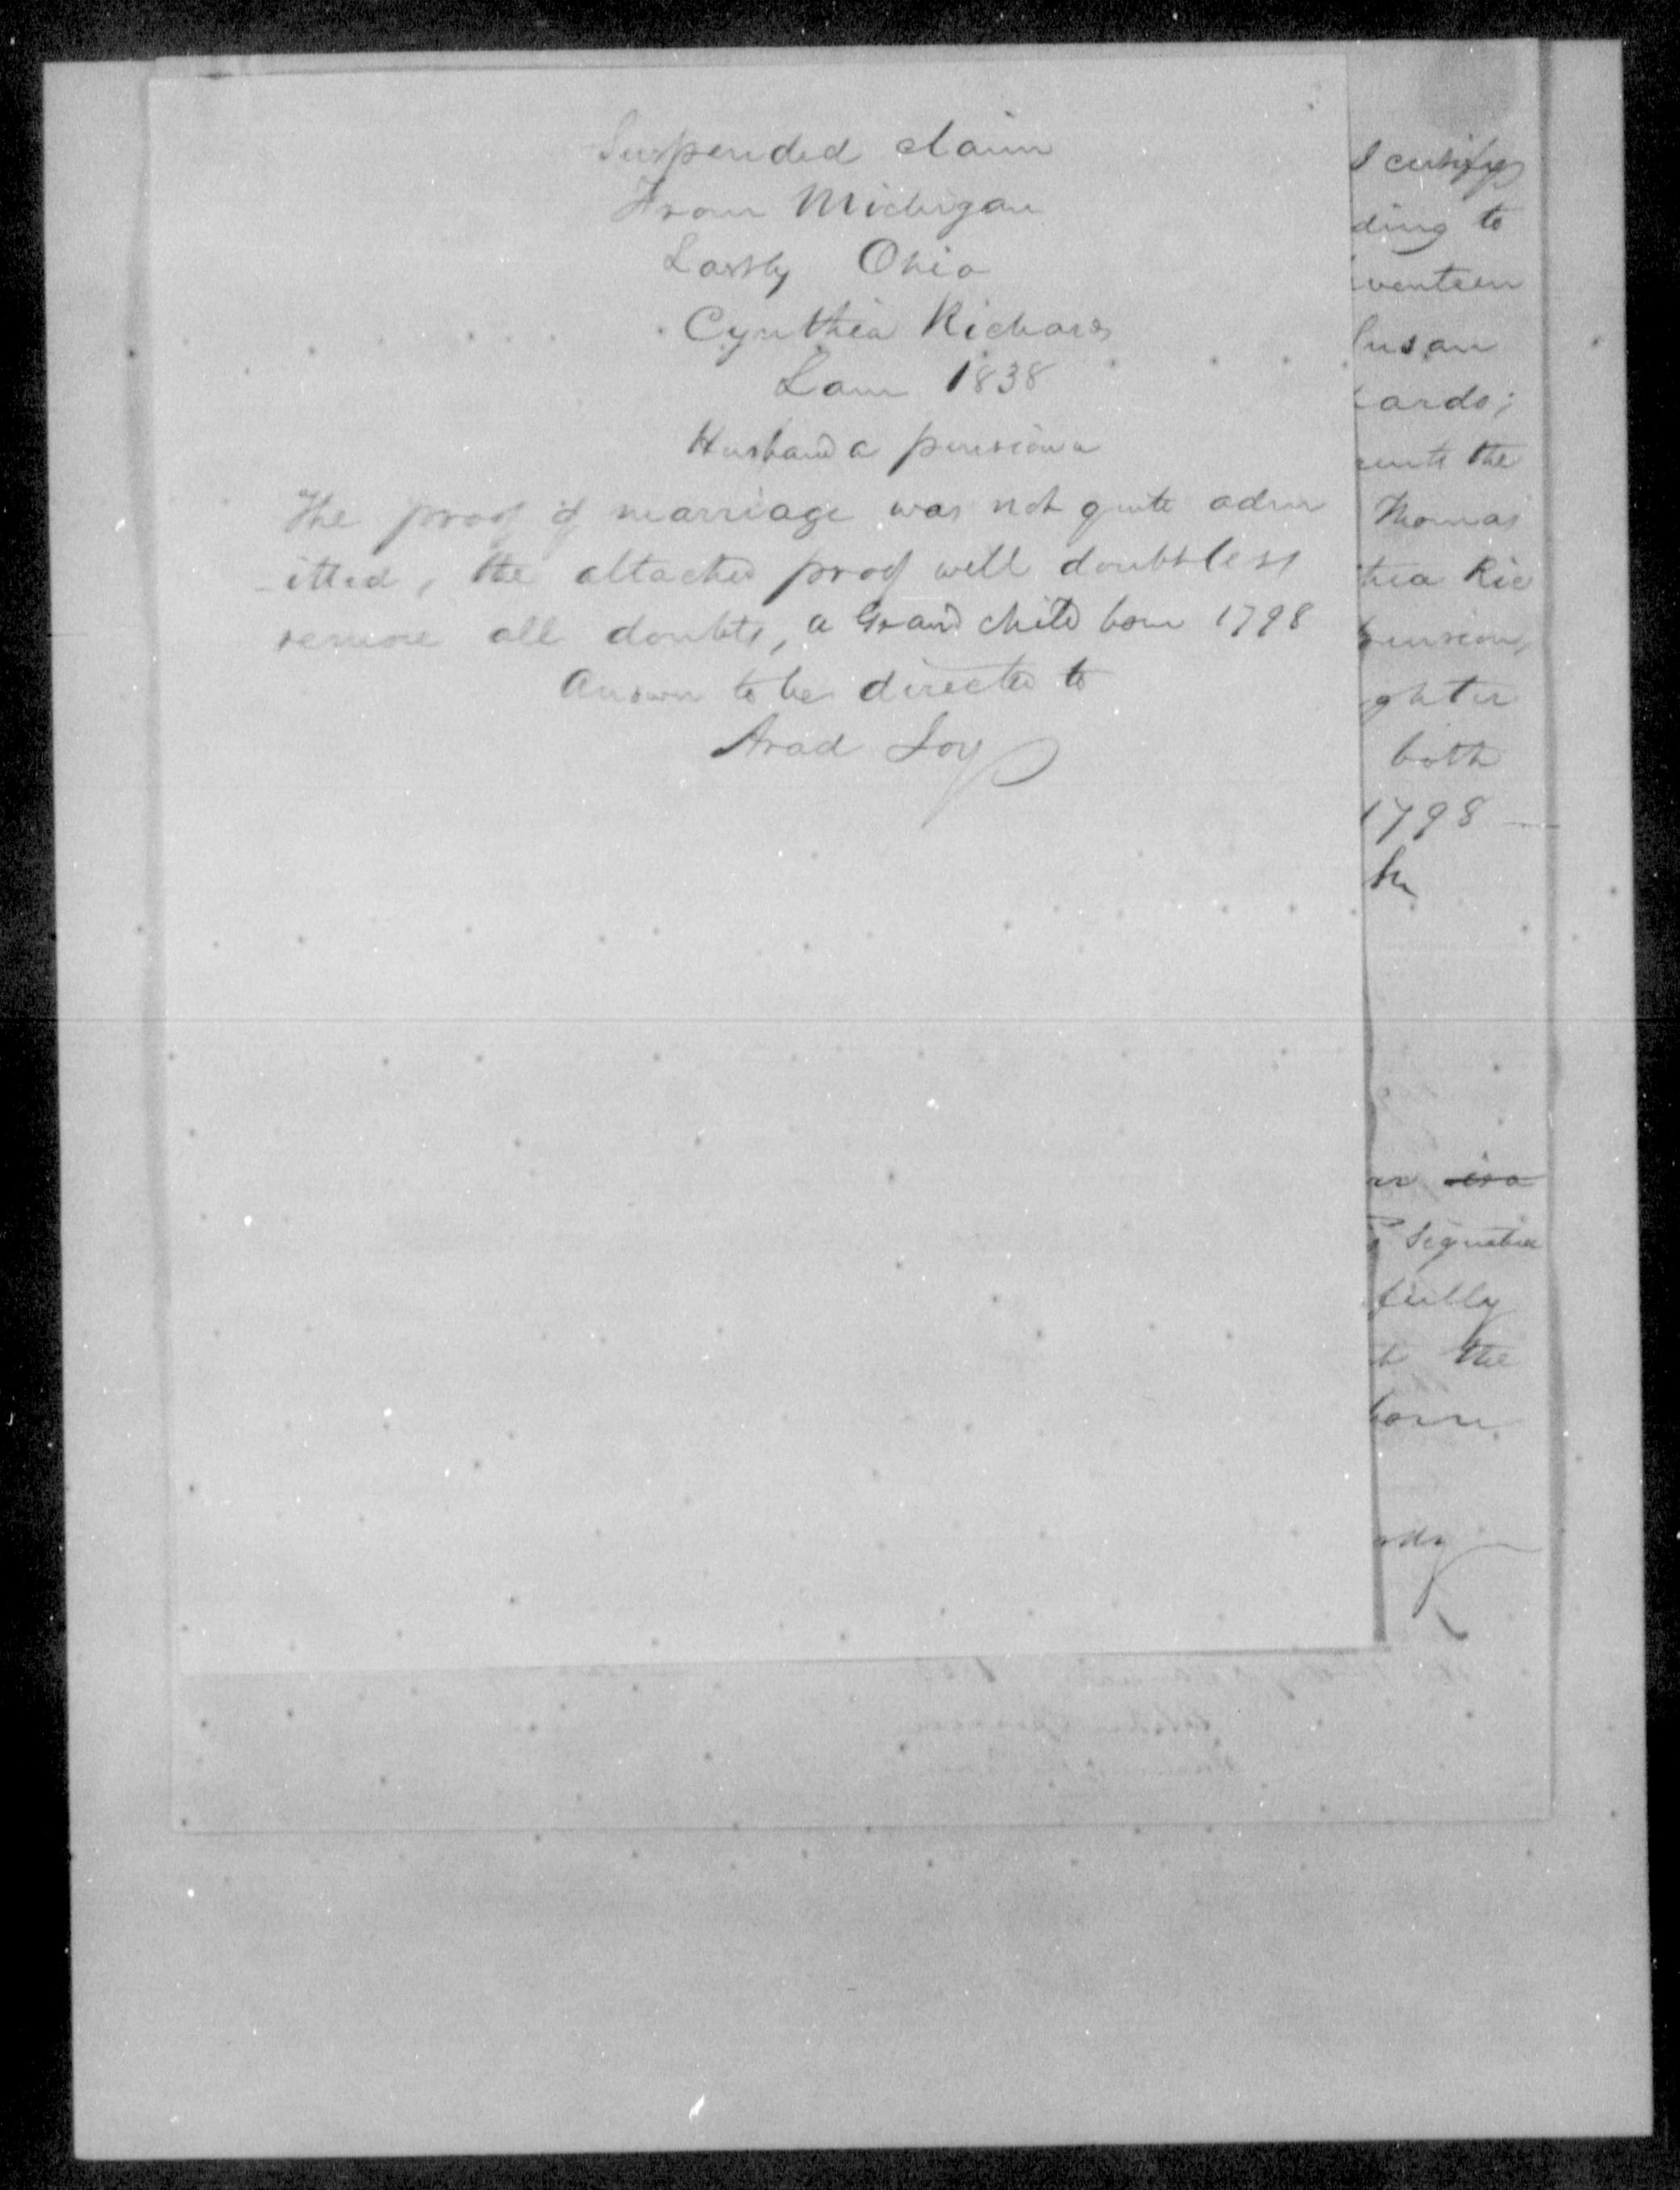Suspended claim
From Michigan
Larby Ohio
Cynthia Richards
Law 1838
Husband a pensioner
The proof of marriage was not quite 
admitted, the attached proof will doubtless
remove all doubts, a Grand child born 1798
[illegible] to be directed to
Arad Joy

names: Cynthia Richards; Arad Joy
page: 13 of 109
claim: widow's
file: W. 5709, for Thomas Richards, New Hampshire